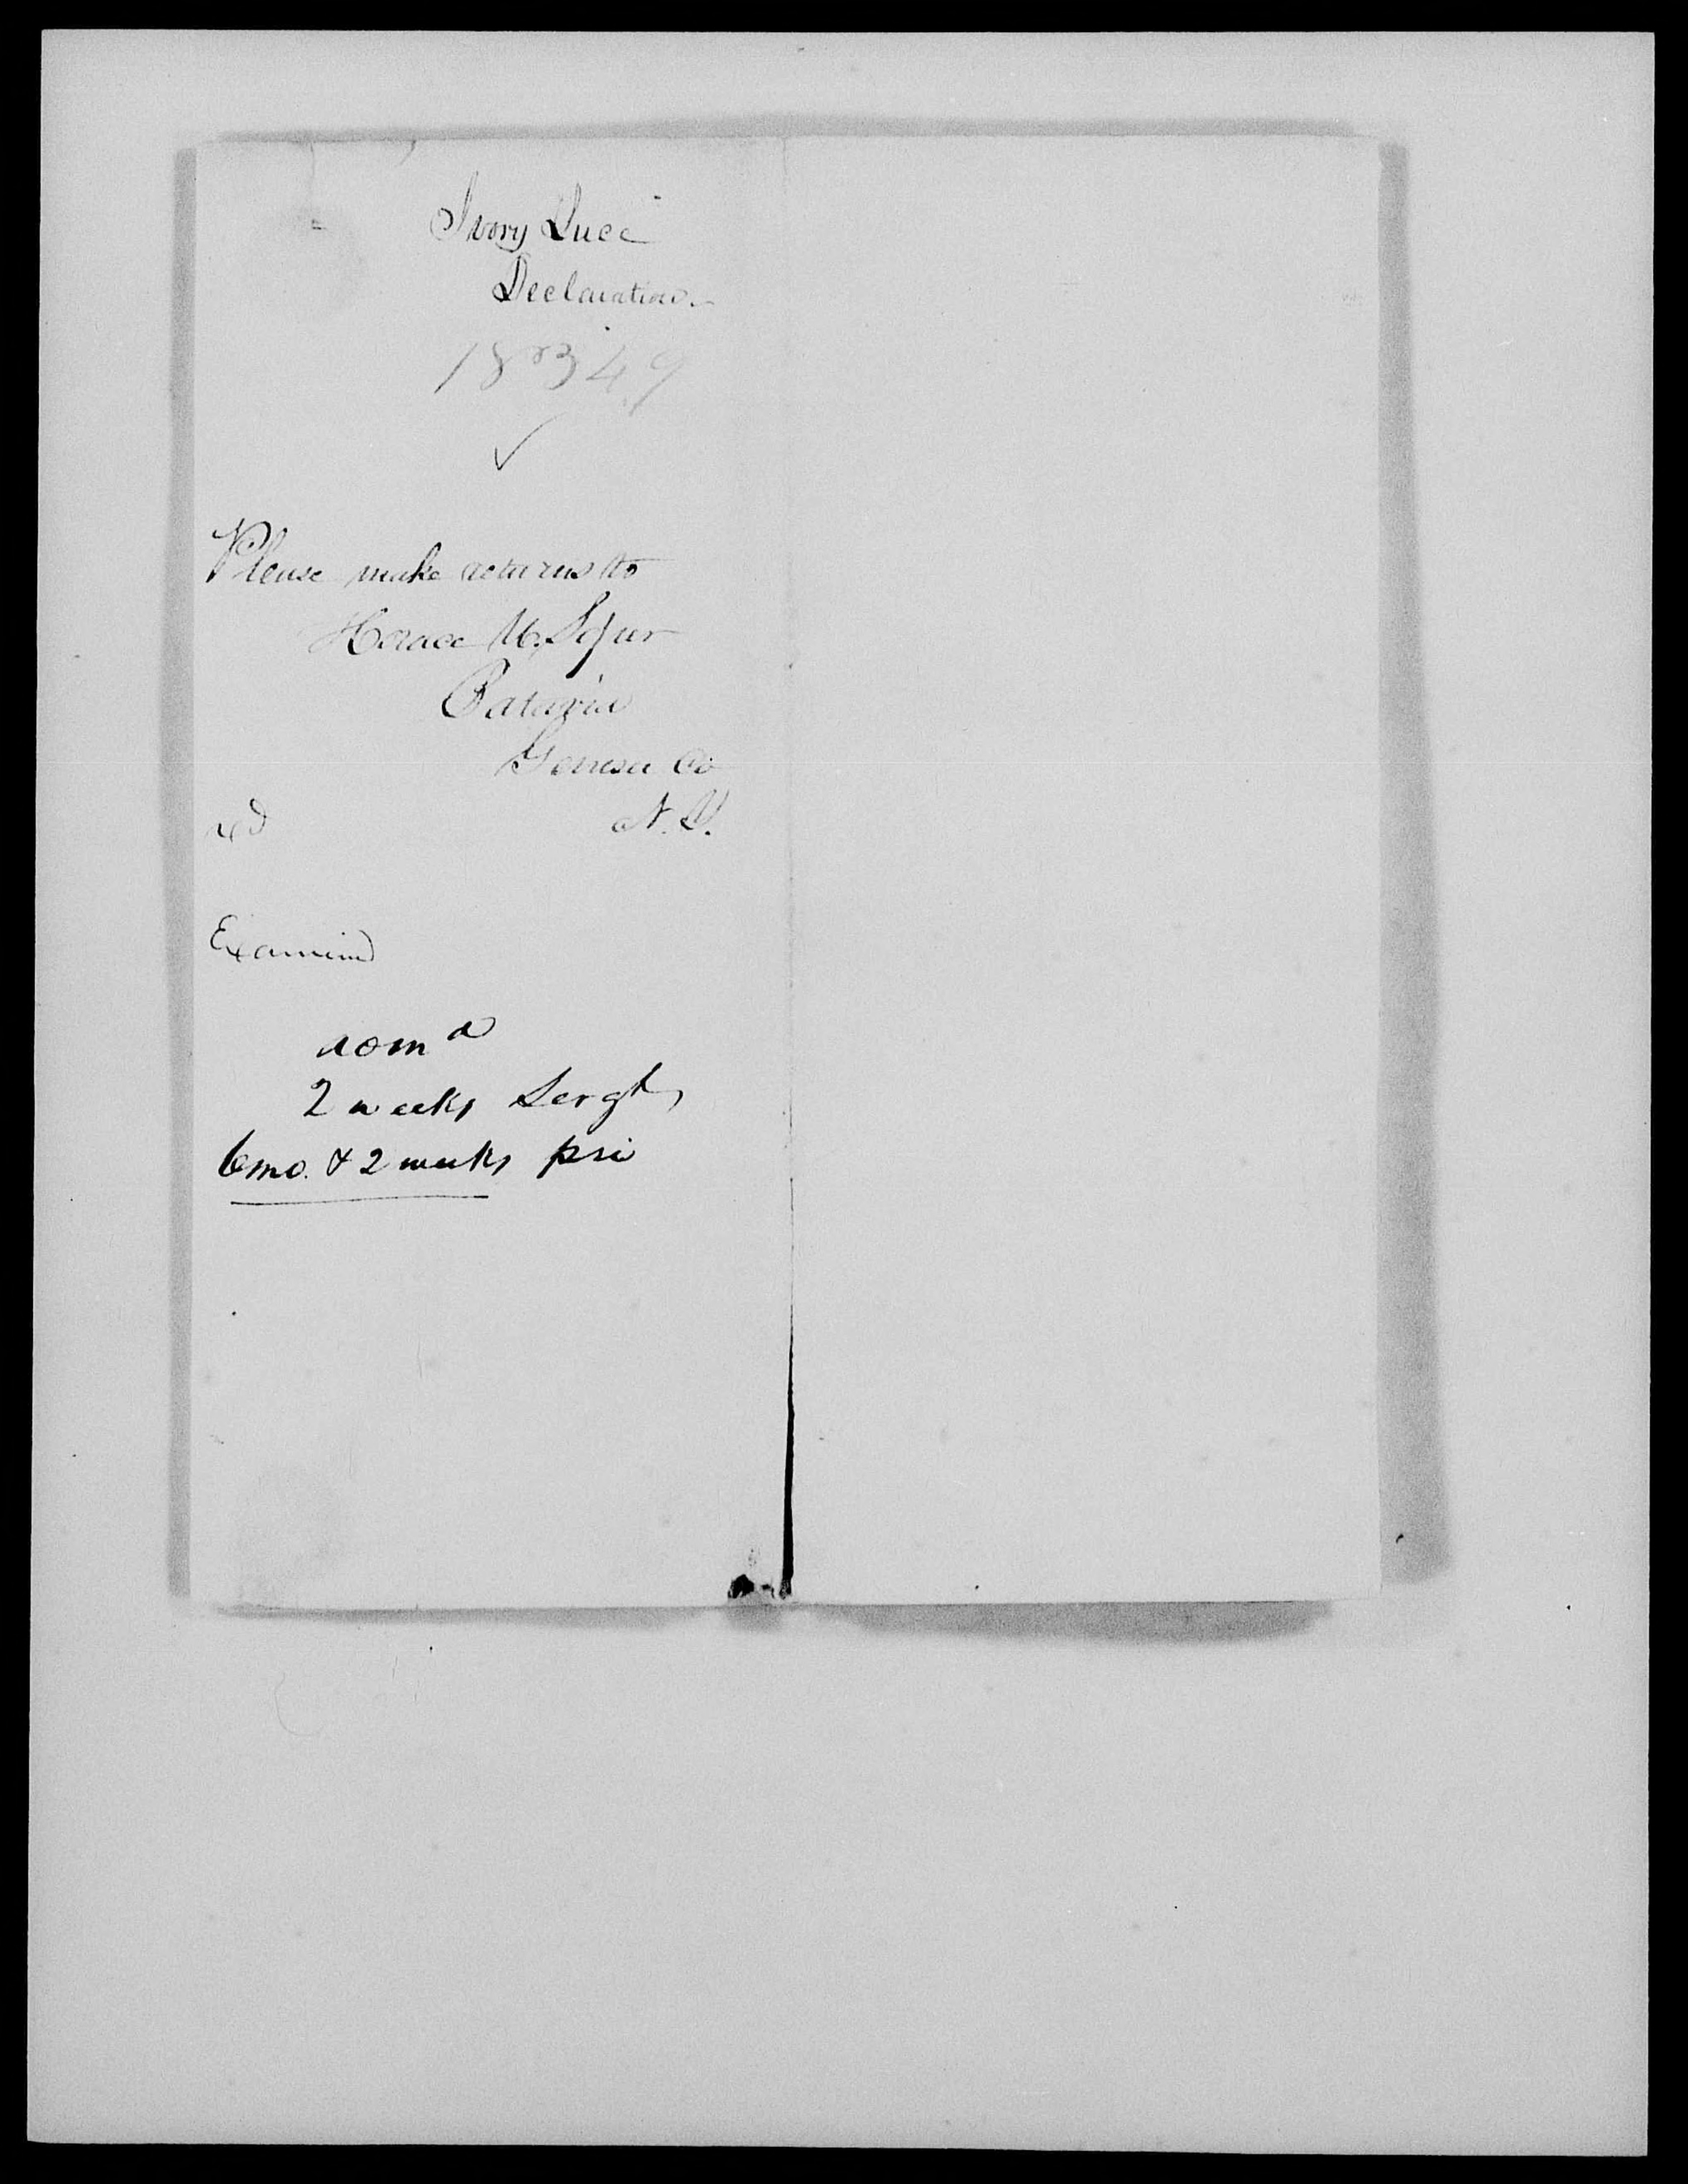Ivory Luce
Declaration

18349

Please make return to 
Horace M. Sopur
Batavia
Genesee Co. 
N.Y.

Examined

aomd
2 weeks Sergt
6 mo. & 2 weeks pri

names: Horace M Soper; Ivory Luce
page: 51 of 70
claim: rejected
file: R. 6510, for Israel Luce, New York